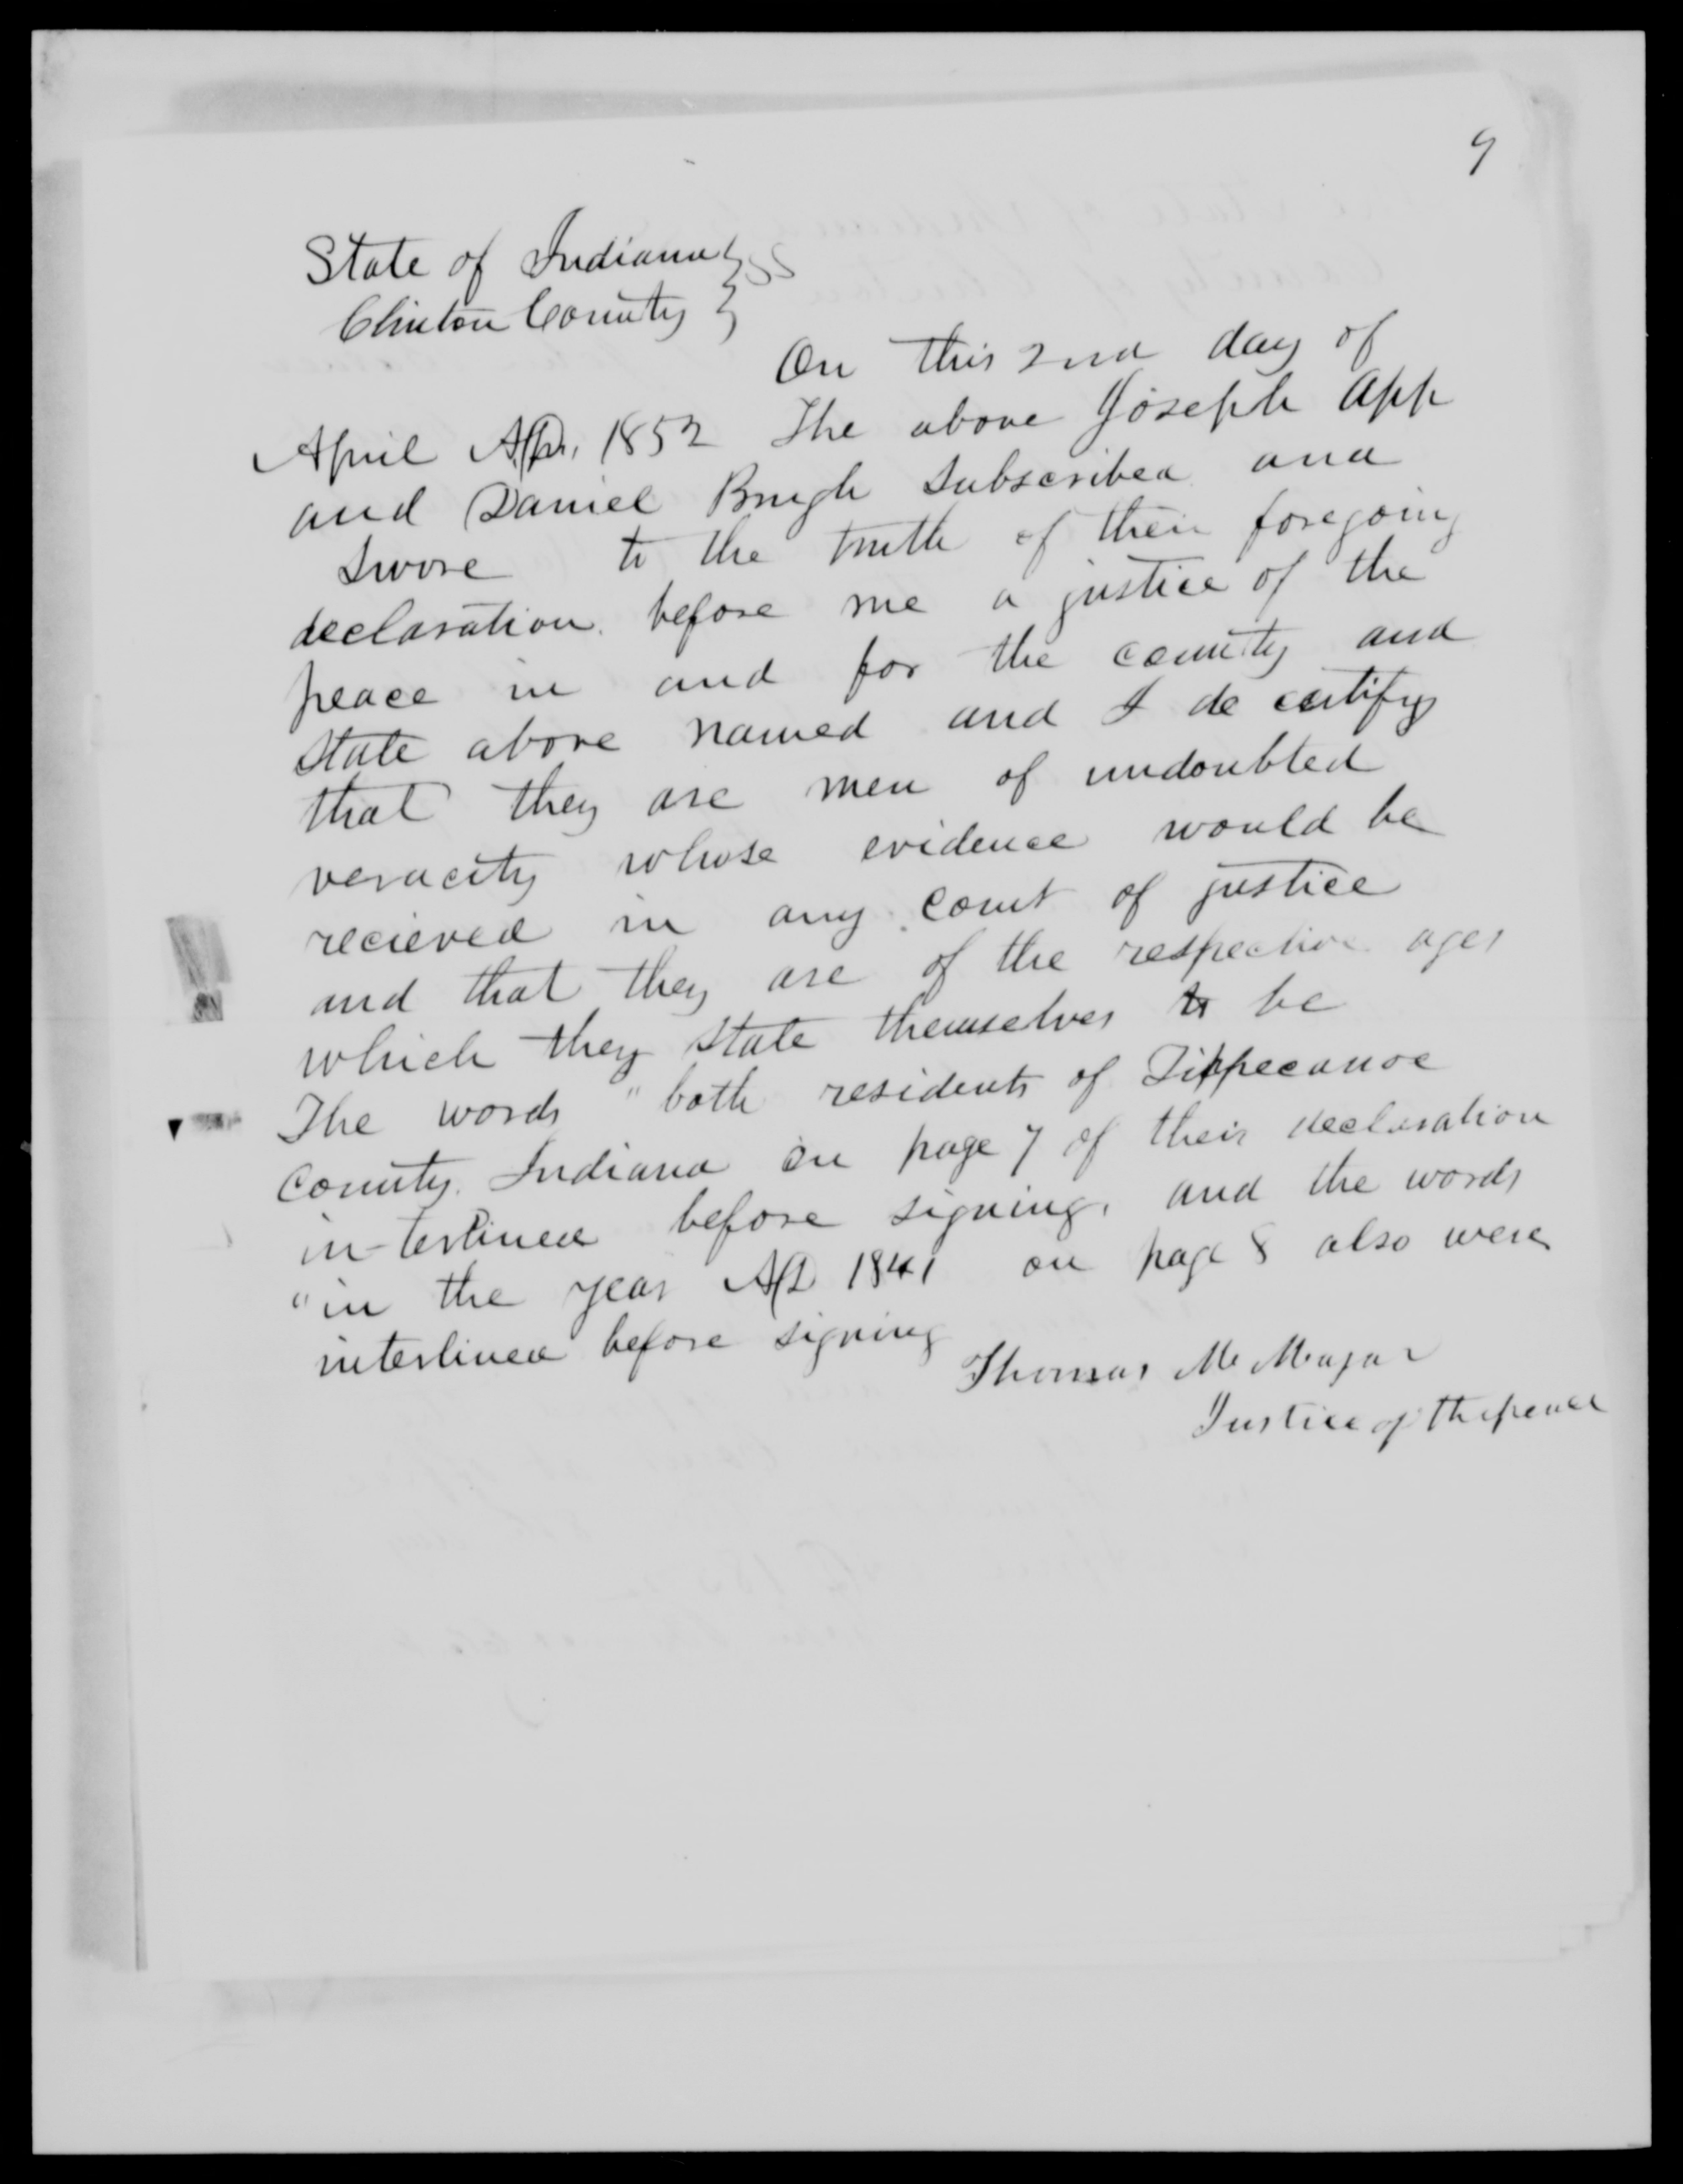9
State of Indiana Clinton County ss
On this 2nd day of April AD 1852 The above Joseph App and Daniel Brugh subscribed and
Swore to the truth of their foregoing
declaration before me a justice of the
peace in and for the County and
State above named and I do certify
that they are men of undoubted
veracity whose evidence would be
recieved in any court of justice
and that they are of the respective ages 
which they state themselves to be.
The words ”both residents of Tippecanoe
County Indiana” on page 7 of their declaration
Interlined before signing, and the words
“in the year AD 1841” on page 8 also were
interlined before signing. 
Thomas M Major
Justice of the peace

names: Daniel Brugh, Thomas M Major, Joseph App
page: 104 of 123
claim: rejected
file: R. 11,949, Matthias Young, Md.